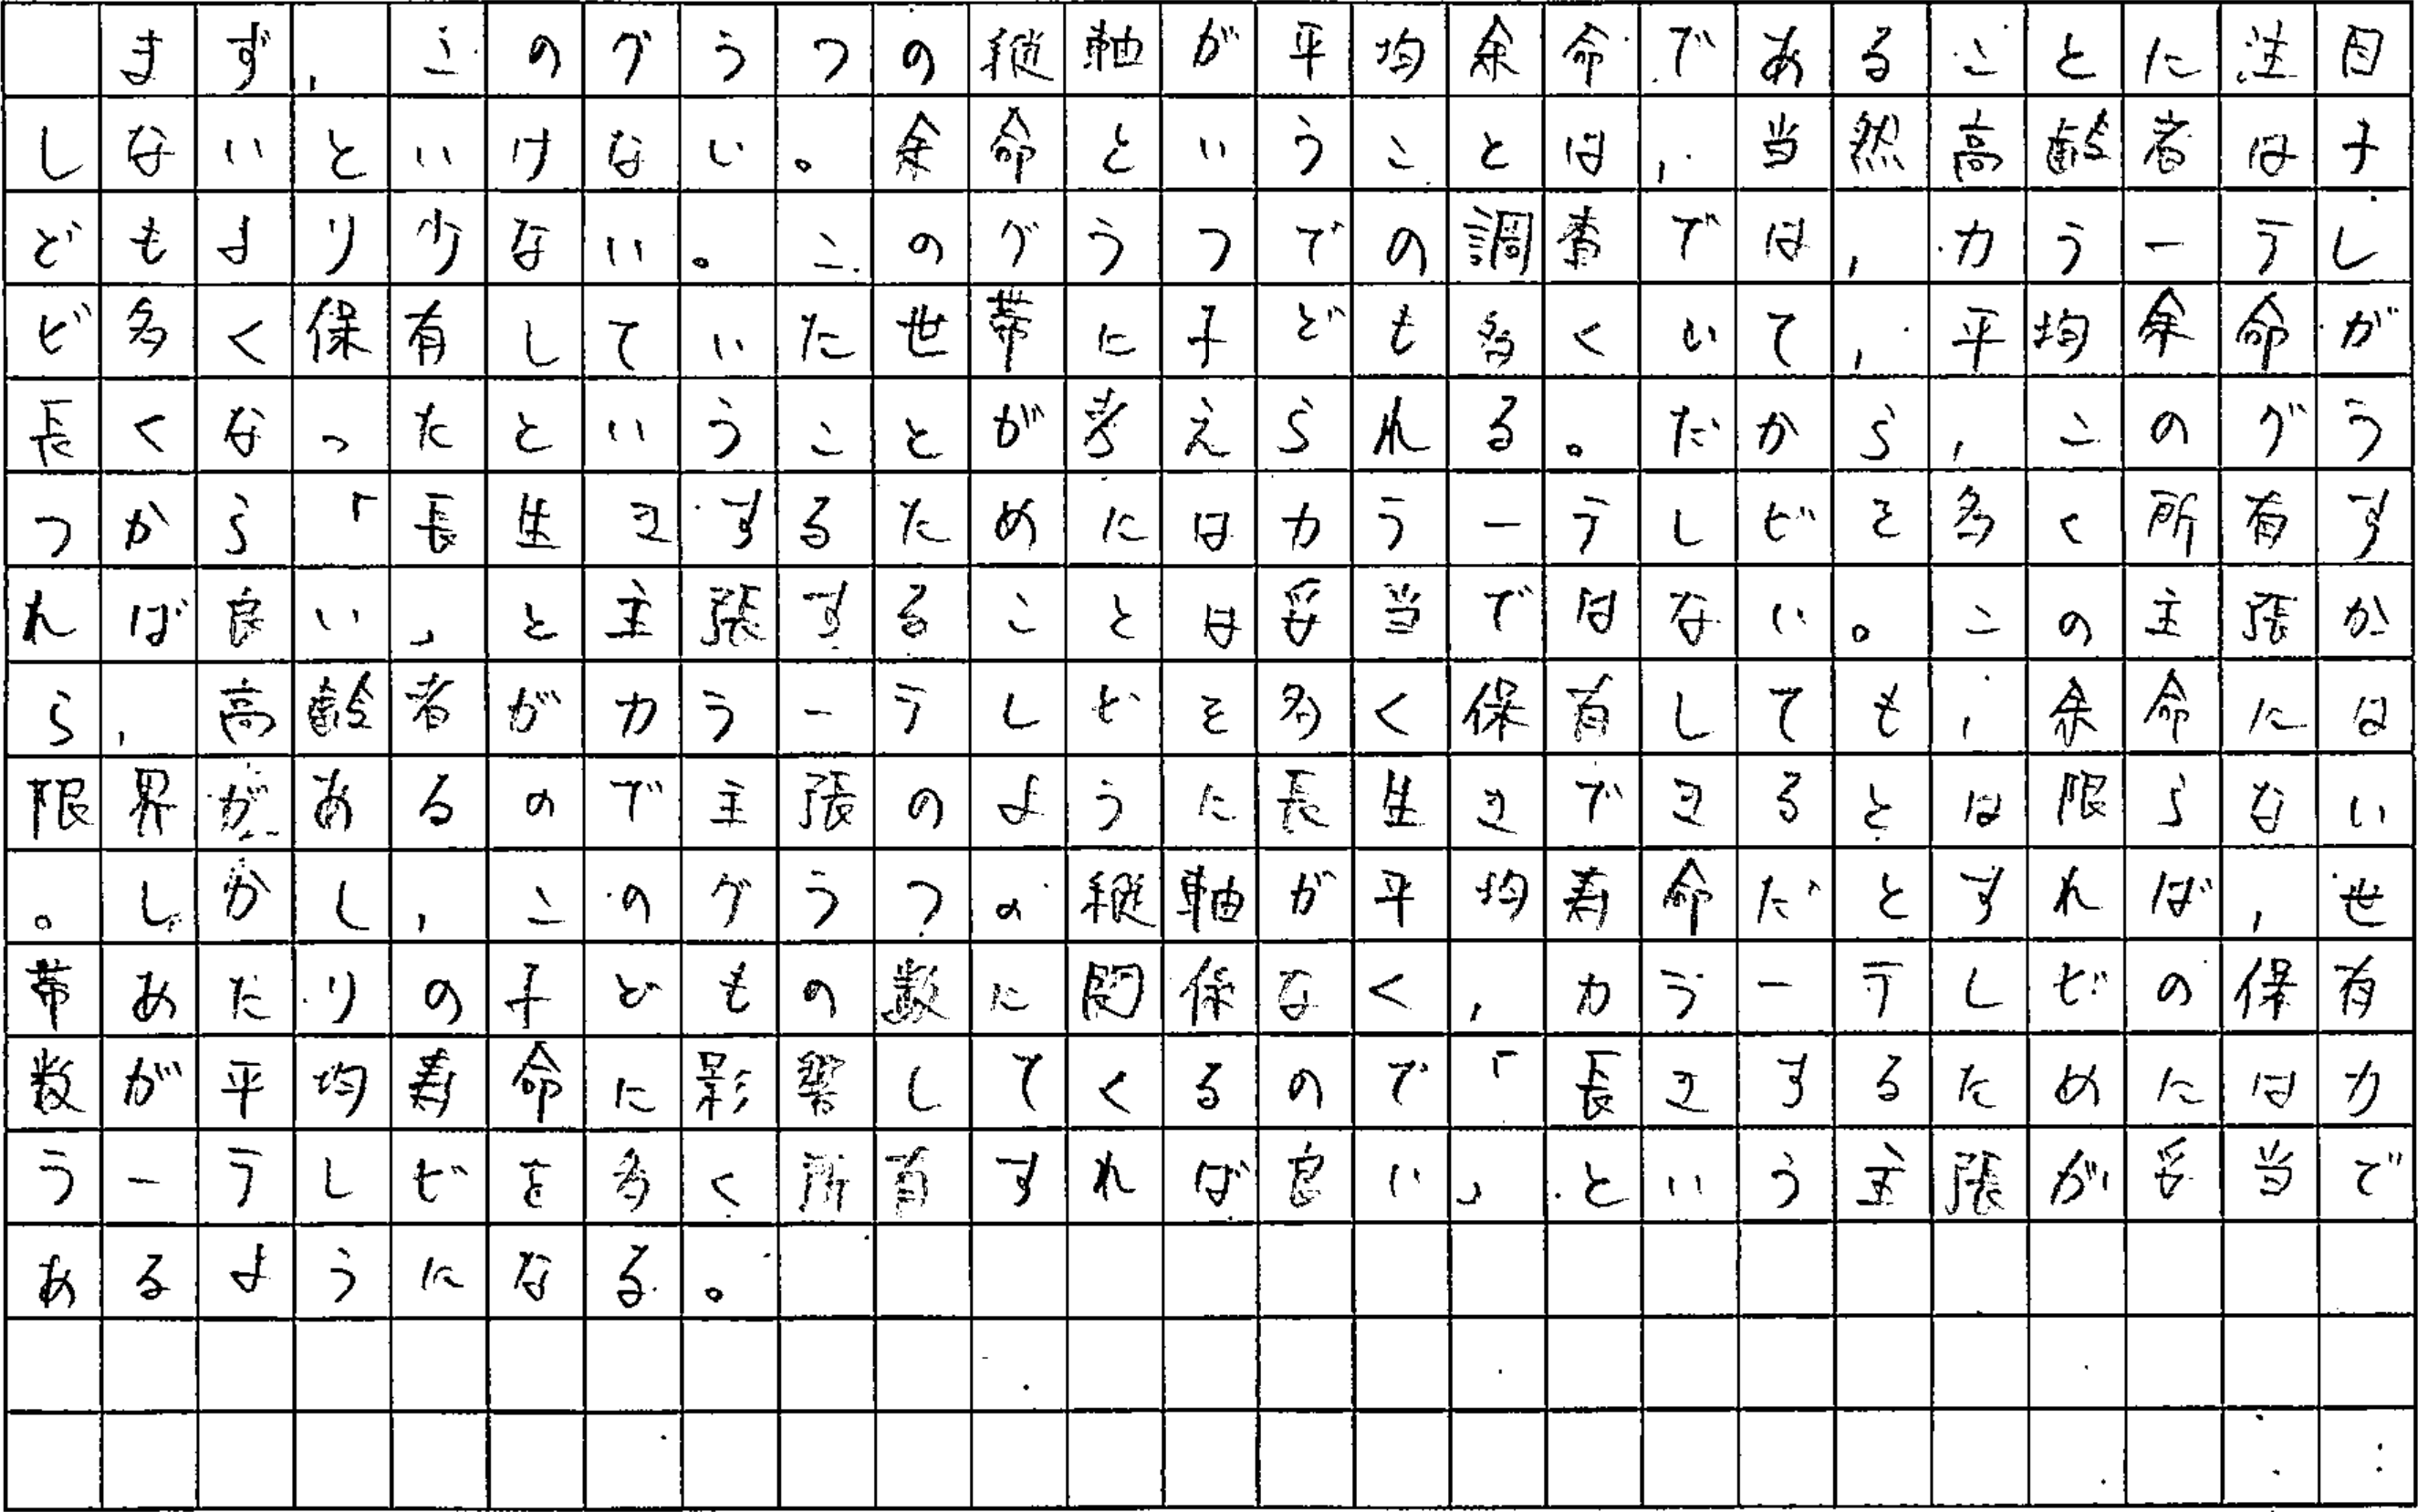　まず、このグラフの▁軸が平均余命であることに注目しないといけない。余命ということは、当然高齢者は子どもより少ない。このグラフでの調査では、カラーテレビ多く保有していた世帯に子ども多くいて、平均余命が長くなったということが考えられる。だから、このグラフから「長生きするためにはカラーテレビを多く所有すれば良い」と主張することは妥当ではない。この主張から、高齢者がカラーテレビを多く保有しても、余命には限界があるので主張のように長生きできるとは限らない。しかし、このグラフの縦軸が平均寿命だとすれば、世帯あたりの子どもの数に関係なく、カラーテレビの保有数が平均寿命に影響してくるので「長きするためにはカラーテレビを多く所有すれば良い」という主張が妥当であるようになる。
